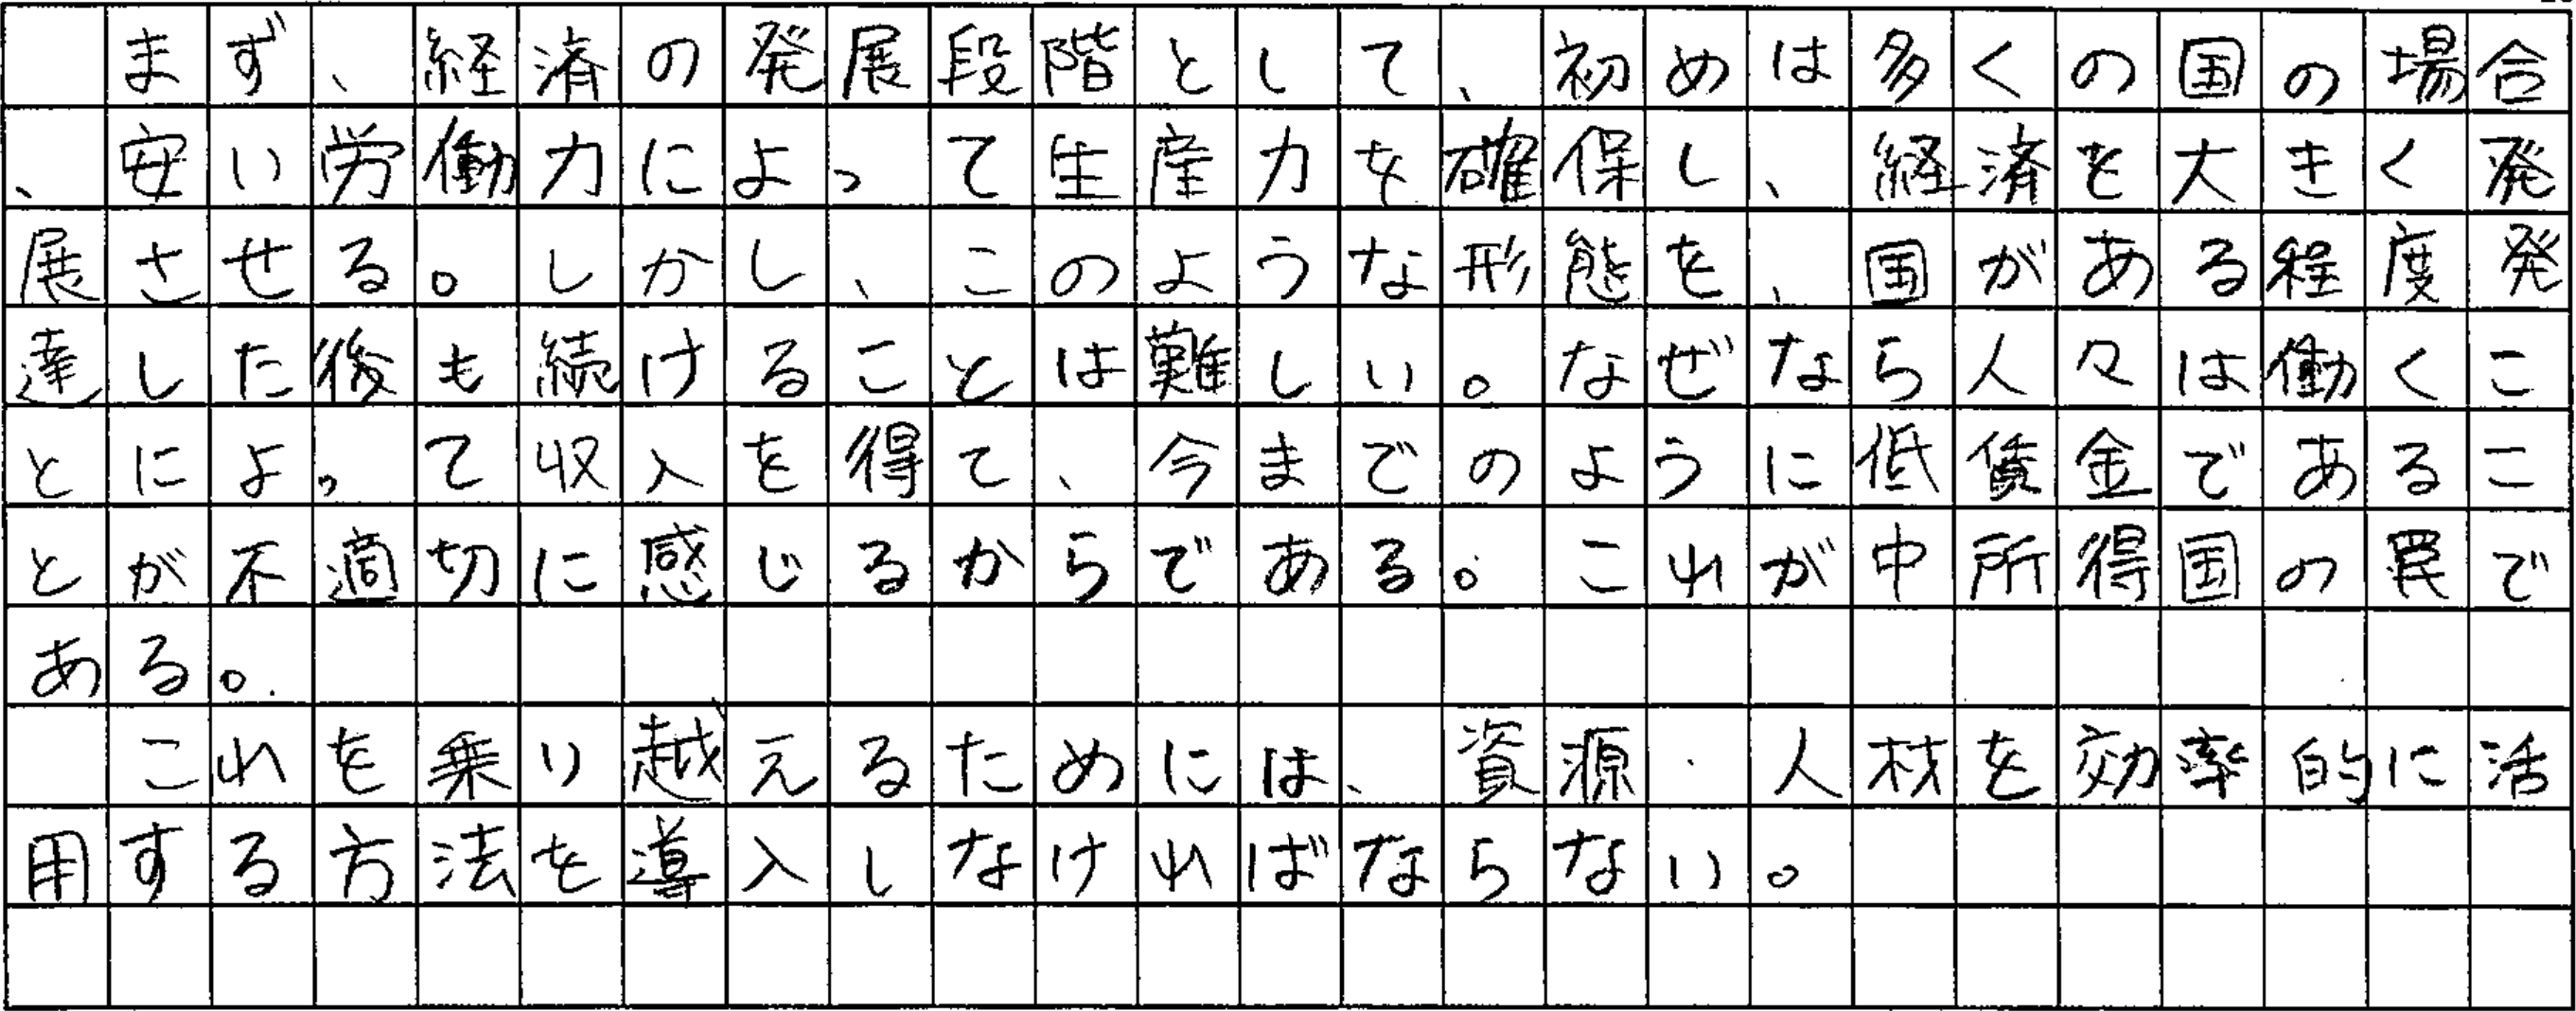　まず、経済の発展段階として、初めは多くの国の場合、安い労働力によって生産力を確保し、経済を大きく発展させる。しかし、このような形態を、国がある程度発達した後も続けることは難しい。なぜなら人々は働くことによって収入を得て、今までのように低賃金であることが不適切に感じるからである。これが中所得国の罠である。
　これを乗り越えるためには、資源・人材を効率的に活用する方法を導入しなければならない。
